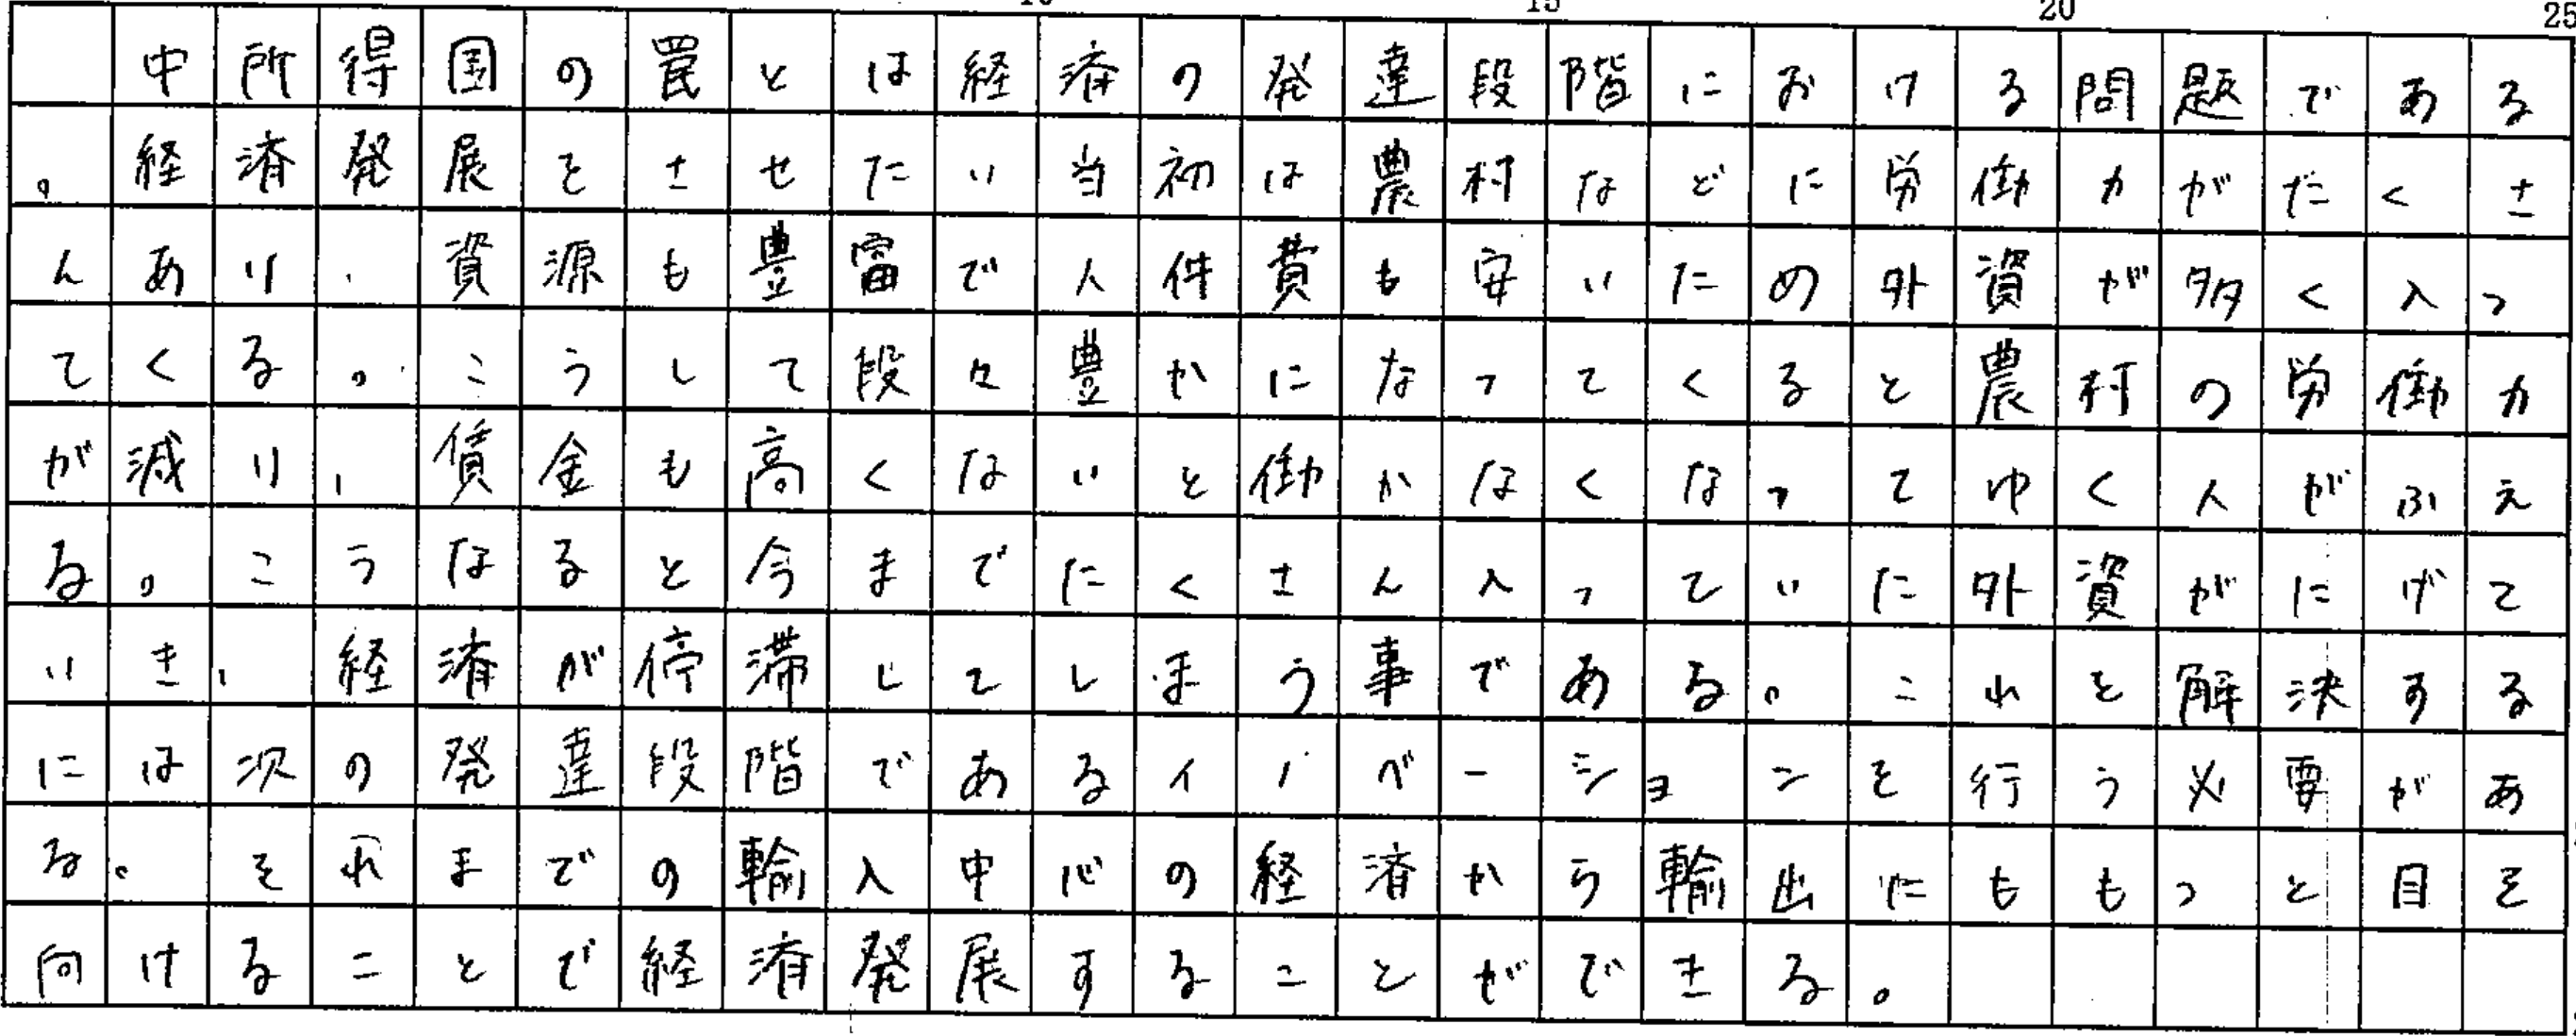　中所得国の罠とは経済の発達段階における問題である。経済発展をさせたい当初は農村などに労働力がたくさんあり、資源も豊富で人件費も安いため外資が多く入ってくる。こうして段々豊かになってくると農村の労働力が減り、賃金も高くないと働かなくなってゆく人がふえる。こうなると今までたくさん入っていた外資がにげていき、経済が停滞してしまう事である。これを解決するには次の発達段階であるイノベーションを行う必要がある。それまでの輸入中心の経済から輸出にももっと目を向けることで経済発展することができる。
